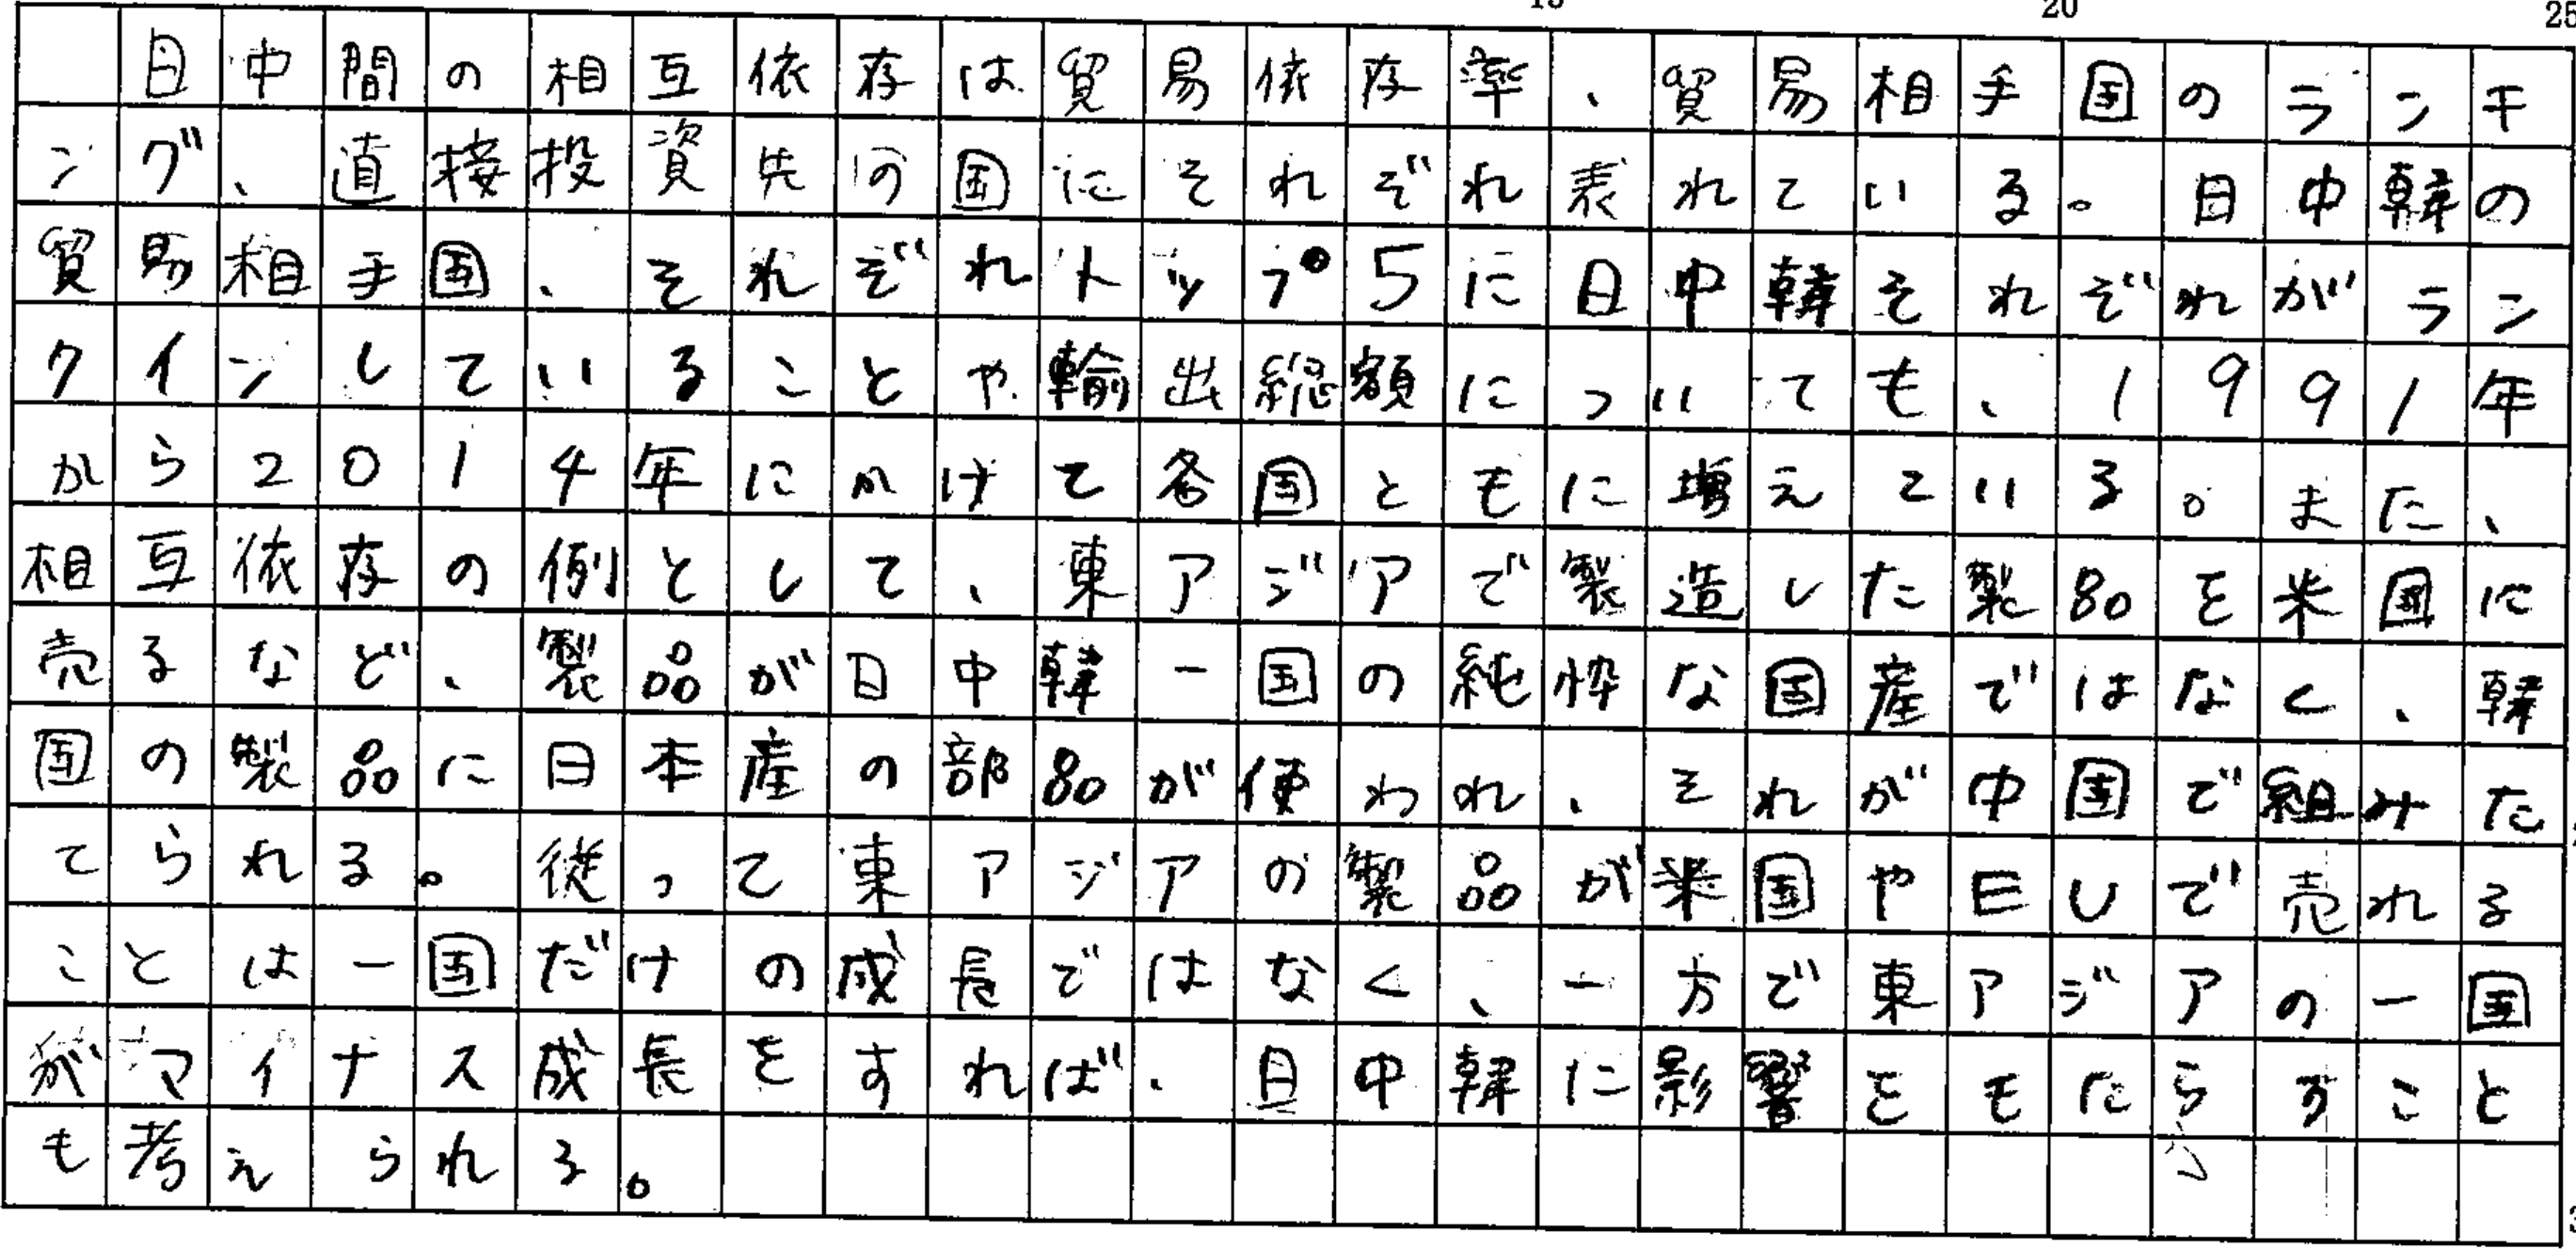　日中間の相互依存は貿易依存率、貿易相手国のランキング、直接投資先の国にそれぞれ表れている。日中韓の貿易相手国、それぞれトップ５に日中韓それぞれがランクインしていることや輸出総額についても、１９９１年から２０１４年にかけて各国ともに増えている。また、相互依存の例として、東アジアで製造した製品を米国に売るなど、製品が日中韓一国の純忰な国産ではなく、韓国の製品に日本産の部品が使われ、それが中国で組みたてられる。従って東アジアの製品が米国やＥＵで売れることは一国だけの成長ではなく、一方で東アジアの一国がマイナス成長をすれば、日中韓に影響をもたらすことも考えられる。
